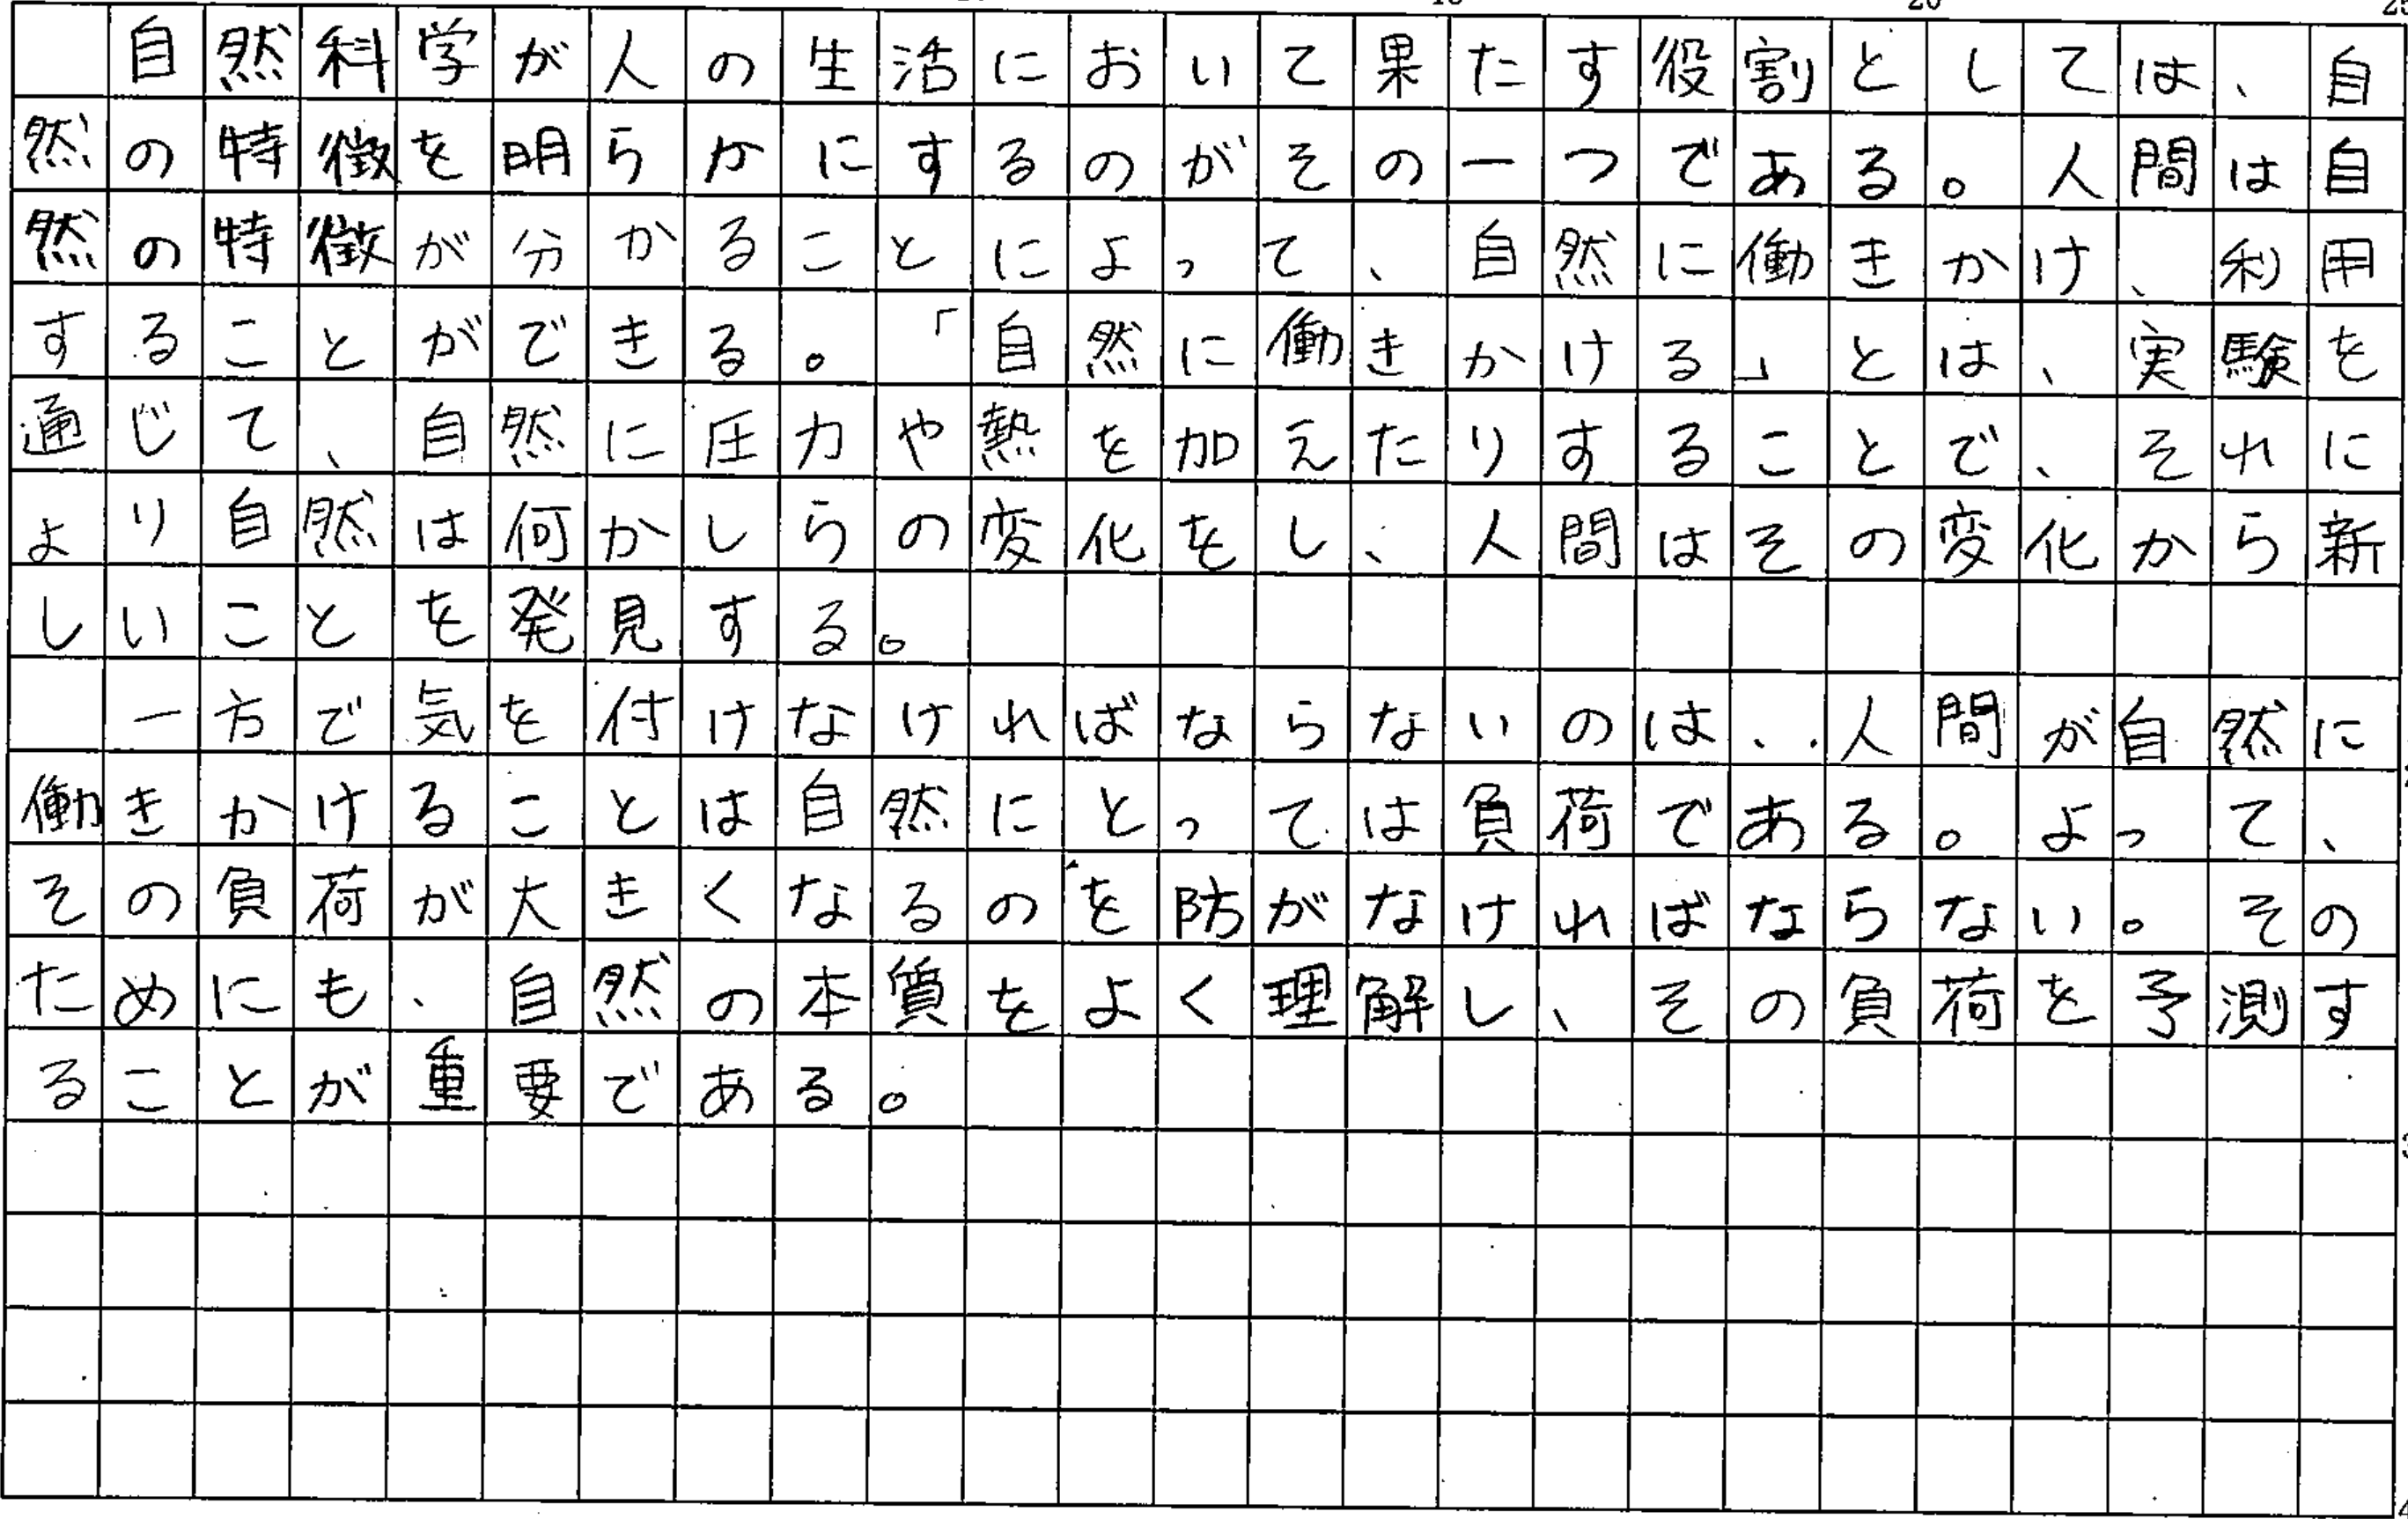　自然科学が人の生活において果たす役割としては、自然の特徴を明らかにするのがその一つである。人間は自然の特徴が分かることによって、自然に働きかけ、利用することができる。「自然に働きかける」とは、実験を通じて、自然に圧力や熱を加えたりすることで、それにより自然は何かしらの変化をし、人間はその変化から新しいことを発見する。
　一方で気を付けなければならないのは、人間が自然に働きかけることは自然にとっては負荷である。よって、その負荷が大きくなるのを防がなければならない。そのためにも、自然の本質をよく理解し、その負荷を予測することが重要である。
